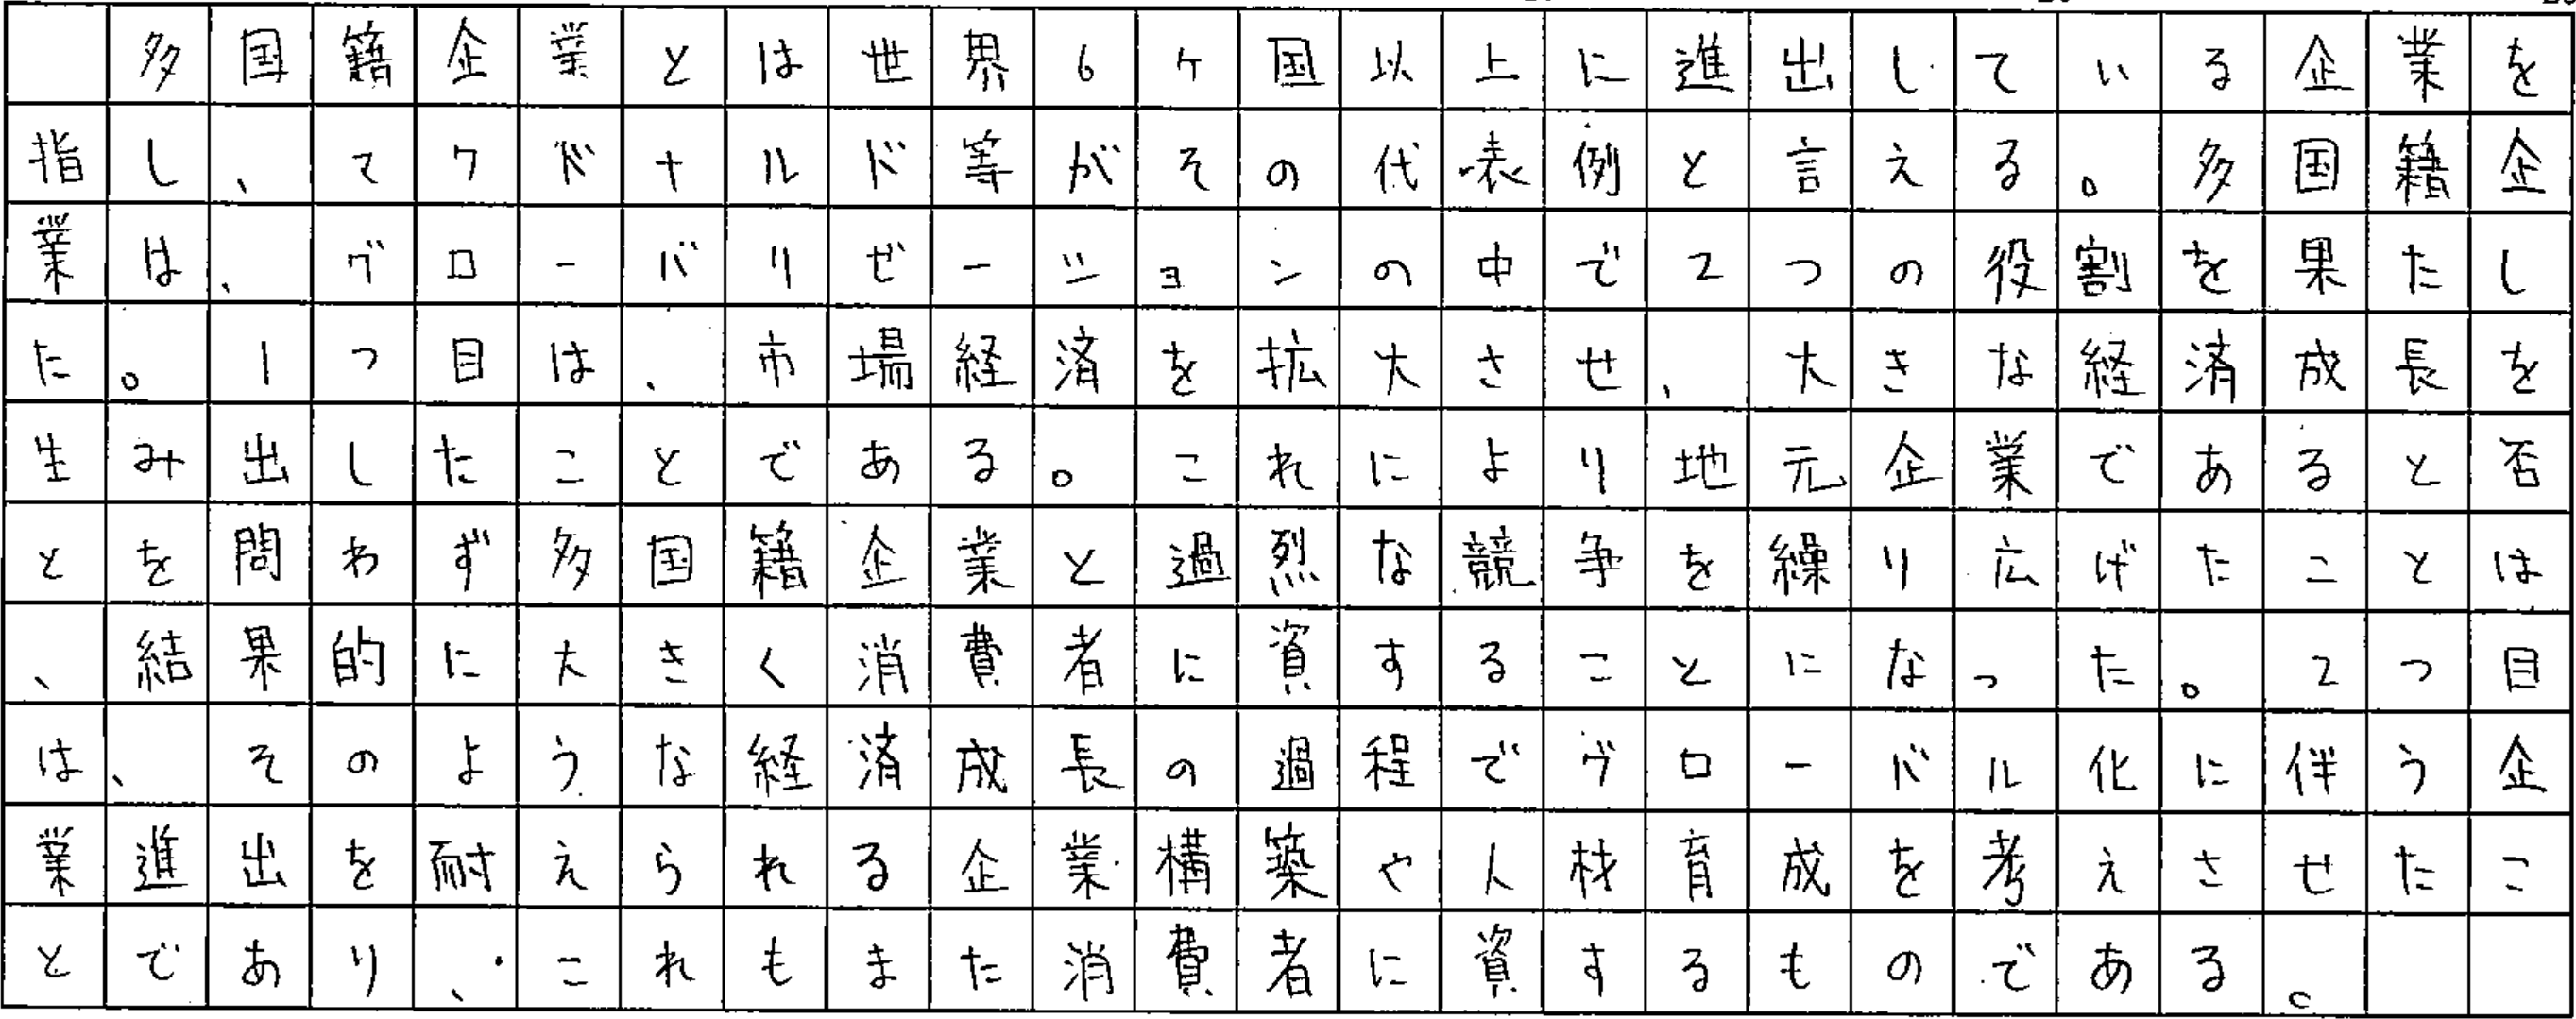　多国籍企業とは世界６ヶ国以上に進出している企業を指し、マクドナルド等がその代表例と言える。多国籍企業は、グローバリゼーションの中で２つの役割を果たした。１つ目は、市場経済を拡大させ、大きな経済成長を生み出したことである。これにより地元企業であると否とを問わず多国籍企業と過烈な競争を繰り広げたことは、結果的に大きく消費者に資することになった。２つ目は、そのような経済成長の過程でグローバル化に伴う企業進出を耐えられる企業構築や人材育成を考えさせたことであり、これもまた消費者に資するものである。
